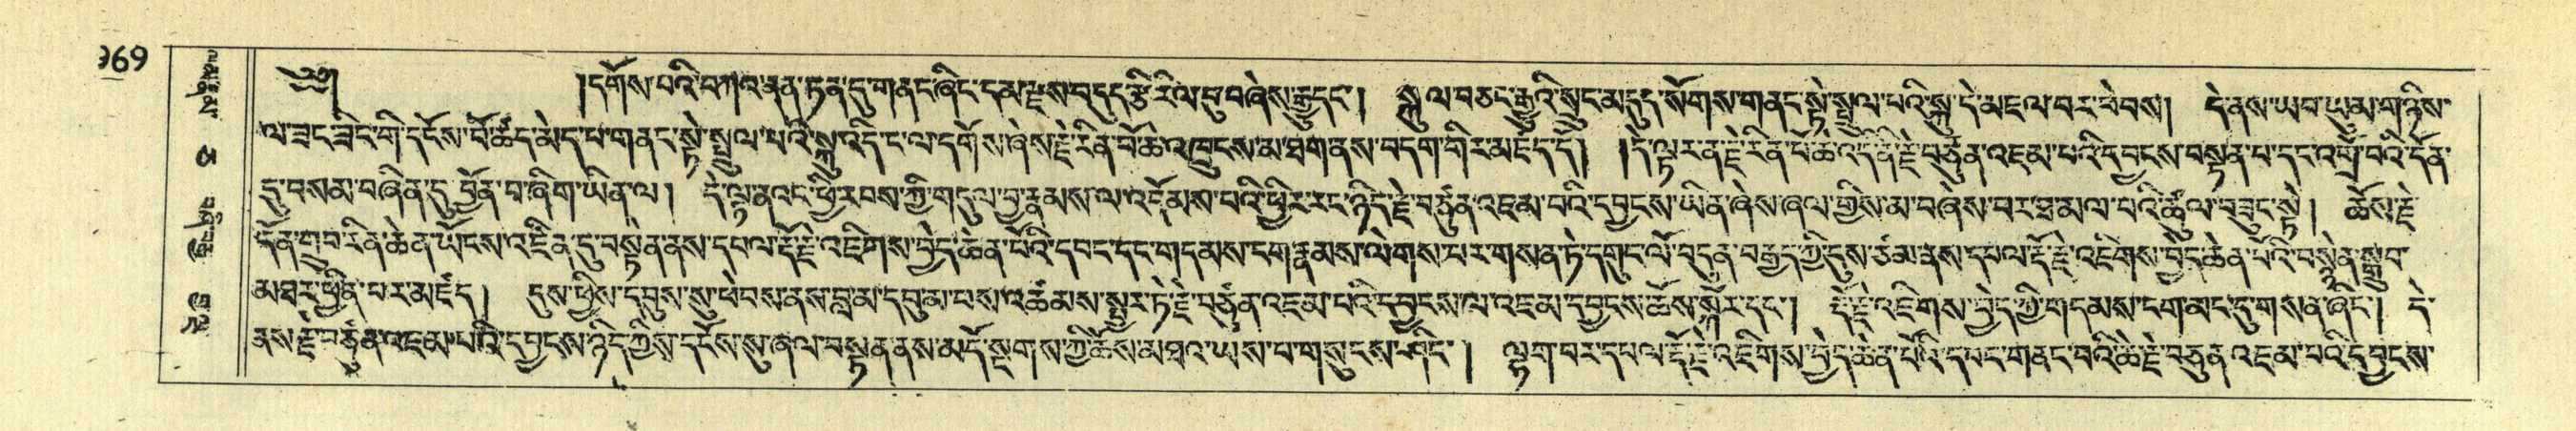༄༅། །དགོས་པའི་བཀའ་ནན་ཏན་དུ་གནང་ཞིང་དམ་རྫས་བདུད་རྩི་རིལ་བུ་བཞེས་རྒྱུ་དང་། སྐུལ་བཅང་རྒྱུའི་སྲུང་མདུད་སོགས་གནང་སྟེ་སྤྲུལ་པའི་སྐུ་དེ་མཇལ་བར་ཕེབས། དེ་ནས་ཡབ་ཡུམ་གཉིས་
ལ་ཟང་ཟིང་གི་དངོས་པོ་ཚད་མེད་པ་གནང་སྟེ་སྤྲུལ་པའི་སྐུ་འདི་ང་ལ་དགོས་ཞེས་རྗེ་རིན་པོ་ཆེ་འཁྲུངས་མ་ཐག་ནས་བདག་གིར་མཛད་དོ། །དེ་ལྟར་ན་རྗེ་རིན་པོ་ཆེ་འདི་ནི་རྗེ་བཙུན་འཇམ་པའི་དབྱངས་བསྟན་པ་དང་འགྲོ་བའི་དོན་
དུ་བསམ་བཞིན་དུ་བྱོན་པ་ཞིག་ཡིན་ལ། དེ་ལྟ་ནའང་ཕྱི་རབས་ཀྱི་གདུལ་བྱ་རྣམས་ལ་འདོམས་པའི་ཕྱིར་རང་ཉིད་རྗེ་བཙུན་འཇམ་བའི་དབྱངས་ཡིན་ཞེས་ཞལ་གྱིས་མ་བཞེས་པར་ཐ་མལ་པའི་ཚུལ་བཟུང་སྟེ། ཆོས་རྗེ་
དོན་གྲུབ་རིན་ཆེན་ཡོངས་འཛིན་དུ་བསྟེན་ནས་དཔལ་རྡོ་རྗེ་འཇིགས་བྱེད་ཆེན་པོའི་དབང་དང་གདམས་ངག་རྣམས་ལེགས་པར་གསན་ཏེ་དགུང་ལོ་བདུན་བརྒྱད་ཀྱི་དུས་ཙམ་ནས་དཔལ་རྡོ་རྗེ་འཇིགས་བྱེད་ཆེན་པོའི་བསྙེན་སྒྲུབ་
མཐར་ཕྱིན་པར་མཛད། དུས་ཕྱིས་དབུས་སུ་ཕེབས་ནས་བླ་མ་དབུ་མ་པས་འཚམས་སྤྱར་ཏེ་རྗེ་བཙུན་འཇམ་པའི་དབྱངས་ལ་འཇམ་དབྱངས་ཆོས་སྐོར་དང་། རྡོ་རྗེ་འཇིགས་བྱེད་ཀྱི་གདམས་ངག་མང་དུ་གསན་ཞིང་། དེ་
ནས་རྗེ་བཙུན་འཇམ་པའི་དབྱངས་ཉིད་ཀྱིས་དངོས་སུ་ཞལ་བསྟན་ནས་མདོ་སྔགས་ཀྱི་ཆོས་མཐའ་ཡས་པ་གསུངས་ཤིང་། ལྷག་པར་དཔལ་རྡོ་རྗེ་འཇིགས་བྱེད་ཆེན་པོའི་དབང་གནང་བའི་ཆེ་རྗེ་བཙུན་འཇམ་པའི་དབྱངས་